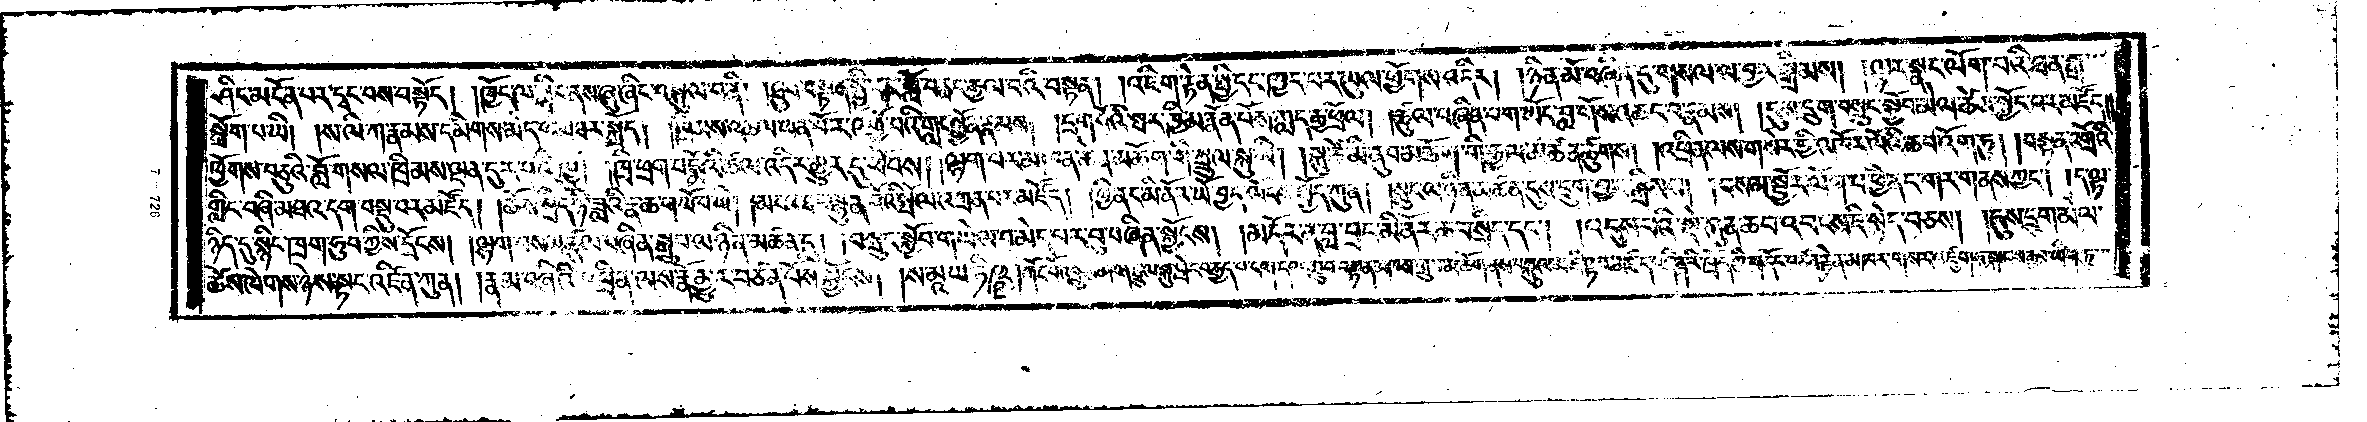ཤིང་མངོན་པར་དྭང་བས་བསྟོད། །ཁྱོད་ལ་སྙིང་ནས་ཞུ་ཞིང་བསྐུལ་བ་ནི། །ཐུབ་བསྟན་སྤྱི་དང་བློ་བདྲང་རྒྱལ་བའི་བསྟན། །འཇིག་རྟེན་སྤྱི་དང་ཁྱད་པར་ཡུལ་ཕྱོགས་འདིར། །ཉིན་མོ་བཞིན་དུ་གསལ་ལ་བྱར་སྒྲིམས། །ལྟར་སྣང་ལོག་པའི་ཐན་སྒྲ་
སྒྲོག་པ་ཡི། །ས་ལི་ཀ་རྣམས་དམིགས་མེད་ཕ་མཐར་སྐྲོད། །ཁྲིམས་འཆལ་ཡན་པོར་འཕྱོ་བའི་གླང་སྨྱོན་རྣམས། །དྲག་པོའི་སྦར་ཁྱིམ་རྣོན་པོས་ཀླད་རྒྱ་ཕྲོལ། །ཚུལ་བཞིན་བག་ཡོང་བླ་གོས་འཆང་བ་རྣམས། །དུས་དྲུག་བསྲུང་སྐྱོབ་མེལ་ཚེས་སྐྱོང་བར་མཛོད།།
ཕྱོགས་བཅུའི་བློ་གསལ་ཁྲིམས་ལྡན་དུར་པའི་ཁྱུ། །ཁྲི་ཕྲག་པདམོའི་ཚལ་འདིར་མྱུར་དུ་ཕོབས། །ལྷག་པར་མཁན་ཆེན་མཆོག་གི་སྤྲུལ་སྐུ་ཡི། །སྐུ་ཚེ་མི་ནུབ་མཆོག་གི་རྒྱལ་མཚན་ཚུགས། །འཕྲིན་ལས་གསེར་གྱི་འཁོར་ལོའི་ཆབ་འོག་ཏུ། །བསྟན་འགྲོའི་
གླིང་བཞི་མཐའ་དག་བསྡུ་བར་མཛོད། །ཆོས་སྲིད་ཉི་ཟླའི་རྣ་ཆ་གཡོ་བ་ཡི། །མངའ་ཐང་ལྷུན་པོའི་སྤོ་ལ་འགྲན་པར་མཛོད། །ཕྱི་ནང་མི་ནོར་བྱད་ལོངས་སྤྱོད་ཀུན། །སྲུང་ལ་ཉིན་མཚན་དུས་དྲུག་བྱར་ར་སྒྲིམས། །བསམ་སྦྱོར་ལོག་པ་ཕྱི་ནང་གར་གནས་ཀྱང་། །ད་ལྟ་
ཉིད་དུ་སྙིང་ཁྲག་ཧུབ་ཀྱིས་དྲོངས། །ལྷག་བསམ་ཚུལ་བཞིན་སྒྲུབ་ལ་ཉིན་མཚན་དུ། །བསྲུང་སྐྱོབ་གཡེལ་བ་མེད་པར་བུ་བཞིན་སྐྱོངས། །མདོར་ན་བླ་བྲང་མི་ནོར་ཆབ་སྲིད་དང་། །འདུས་པའི་སྡེ་ཀུན་ཆབ་འབངས་ཇི་སྙེད་བཅས། །དུས་དྲུག་མེལ་
ཚེས་ལེགས་ཉེས་སྟང་འཛིན་ཀུན། །རྣམ་བཞིའི་འཕྲིན་ལས་རྣོ་མྱུར་བཙན་པོས་སྐྱོངས། །ས་མཱ་ཡ་ཏིཥཊཿཨཱ། ཀོང་པོ་འབྲུལ་མཁན་སྤྲུལ་སྐུ་ཕྲེང་བརྒྱད་པ་ངག་དབང་ཐུབ་བསྟན་མཁས་གྲུབ་མཆོག་ནས་བསྐུལ་མི་ཇི་ལྟར་མཛད་བཞིན་རི་ཁྲོད་ཀྱི་གདོང་བཙན་རྟེན་མཁར་གསར་འཛུགས་སྐབས་རྒྱབ་ཡིག་ཏུ་